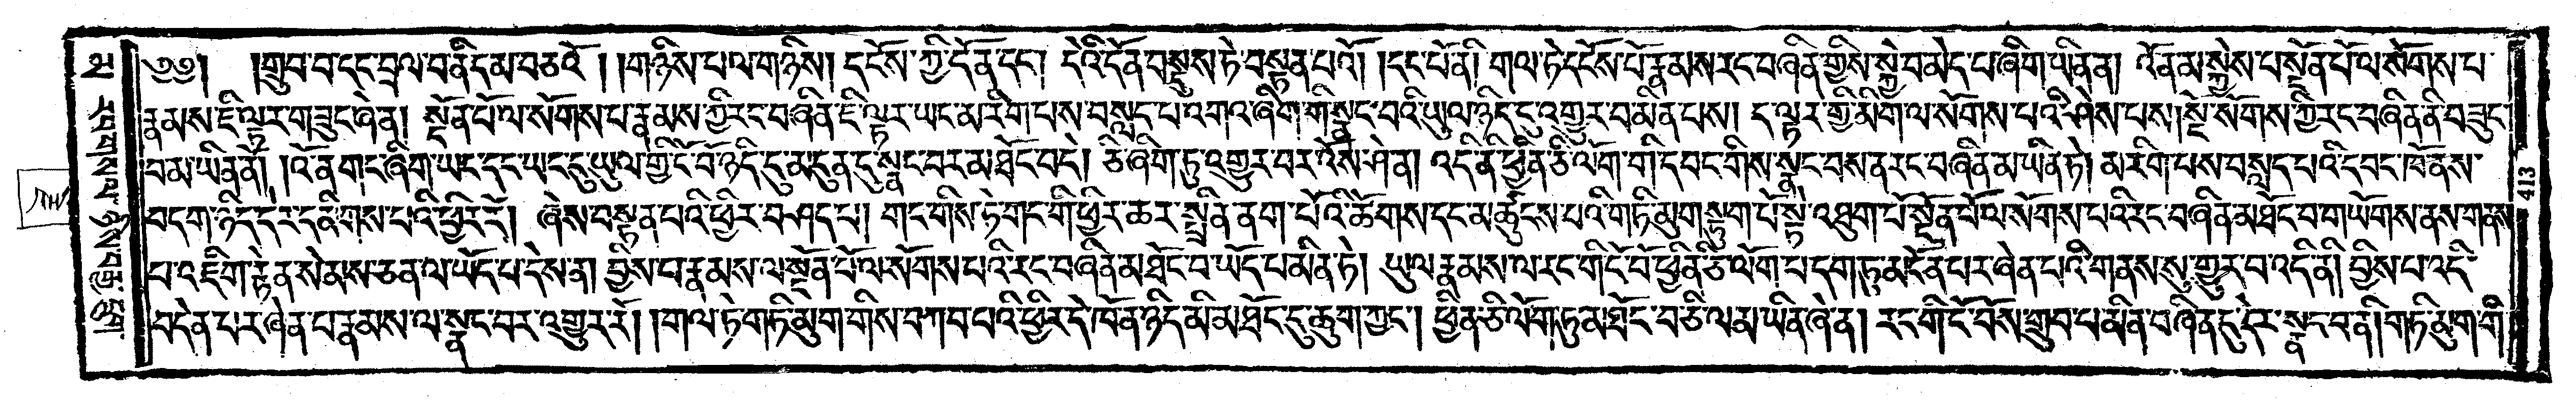༄༅། །གྲུབ་པ་དང་བྲལ་བ་ནི་དམ་བཅའོ། །གཉིས་པ་ལ་གཉིས། དངོས་ཀྱི་དོན་དང་། དེའི་དོན་བསྡུས་ཏེ་བསྟན་པའོ། །དང་པོ་ནི། གལ་ཏེ་དངོས་པོ་རྣམས་རང་བཞིན་གྱིས་སྐྱེ་བ་མེད་པ་ཞིག་ཡིན་ན། འོ་ན་མ་སྐྱེས་པ་སྔོན་པོ་ལ་སོགས་པ་
རྣམས་ཇི་ལྟར་གཟུང་ཞེ་ན། སྔོན་པོ་ལ་སོགས་པ་རྣམས་ཀྱི་རང་བཞིན་ཇི་ལྟར་ཡང་མ་རིག་པས་བསླད་པ་འགའ་ཞིག་གི་སྣང་བའི་ཡུལ་ཉིད་དུ་འགྱུར་བ་མིན་པས། དེ་ལྟར་གྱི་མིག་ལ་སོགས་པའི་ཤེས་པས། སྔོ་སོགས་ཀྱི་རང་བཞིན་ནི་བཟུང་
བ་མ་ཡིན་ནོ། །འོ་ན་གང་ཞིག་ཡང་དང་ཡང་དུ་ཡུལ་གྱི་ངོ་བོ་ཉིད་དུ་མདུན་དུ་སྣང་བར་མཐོང་བ་དེ། ཅི་ཞིག་ཏུ་འགྱུར་བར་འོས་ཤེ་ན། འདི་ནི་ཕྱིན་ཅི་ལོག་གི་དབང་གིས་སྣང་བས་ན་རང་བཞིན་མ་ཡིན་ཏེ། མ་རིག་པས་བསླད་པའི་དབང་ཁོ་ནས་
བདག་ཉིད་དེར་དམིགས་པའི་ཕྱིར་རོ། ཞེས་བསྟན་པའི་ཕྱིར་བཤད་པ། གང་གིས་ཏེ་གང་གི་ཕྱིར་ཆར་སྤྲིན་ནག་པོའི་ཚོགས་དང་མཚུངས་པའི་གཏི་མུག་སྟུག་པོ་སྟེ་འཐུག་པོ་སྔོན་པོ་ལ་སོགས་པའི་རང་བཞིན་མཐོང་བ་གཡོགས་ནས་གནས་
པ་འཇིག་རྟེན་སེམས་ཅན་ལ་ཡོད་པ་དེས་ན། བྱིས་པ་རྣམས་ལ་སྔོན་པོ་ལ་སོགས་པའི་རང་བཞིན་མཐོང་བ་ཡོད་པ་མིན་ཏེ། ཡུལ་རྣམས་ལ་རང་གི་ངོ་བོ་ཕྱིན་ཅི་ལོག་པ་དག་ཏུ་མངོན་པར་ཞེན་པའི་གནས་སུ་གྱུར་པ་འདི་ནི། བྱིས་པ་འདི་
བདེན་པར་ཞེན་པ་རྣམས་ལ་སྣང་བར་འགྱུར་རོ། །གལ་ཏེ་གཏི་མུག་གིས་བཀབ་པའི་ཕྱིར་དེ་ཁོ་ན་ཉིད་མི་མཐོང་དུ་ཆུག་ཀྱང་། ཕྱིན་ཅི་ལོག་ཏུ་མཐོང་བ་ཅི་ལམ་ཡིན་ཞེ་ན། རང་གི་ངོ་བོས་གྲུབ་པ་མིན་བཞིན་དུ་དེར་སྣང་བ་ནི། གཏི་མུག་གི་